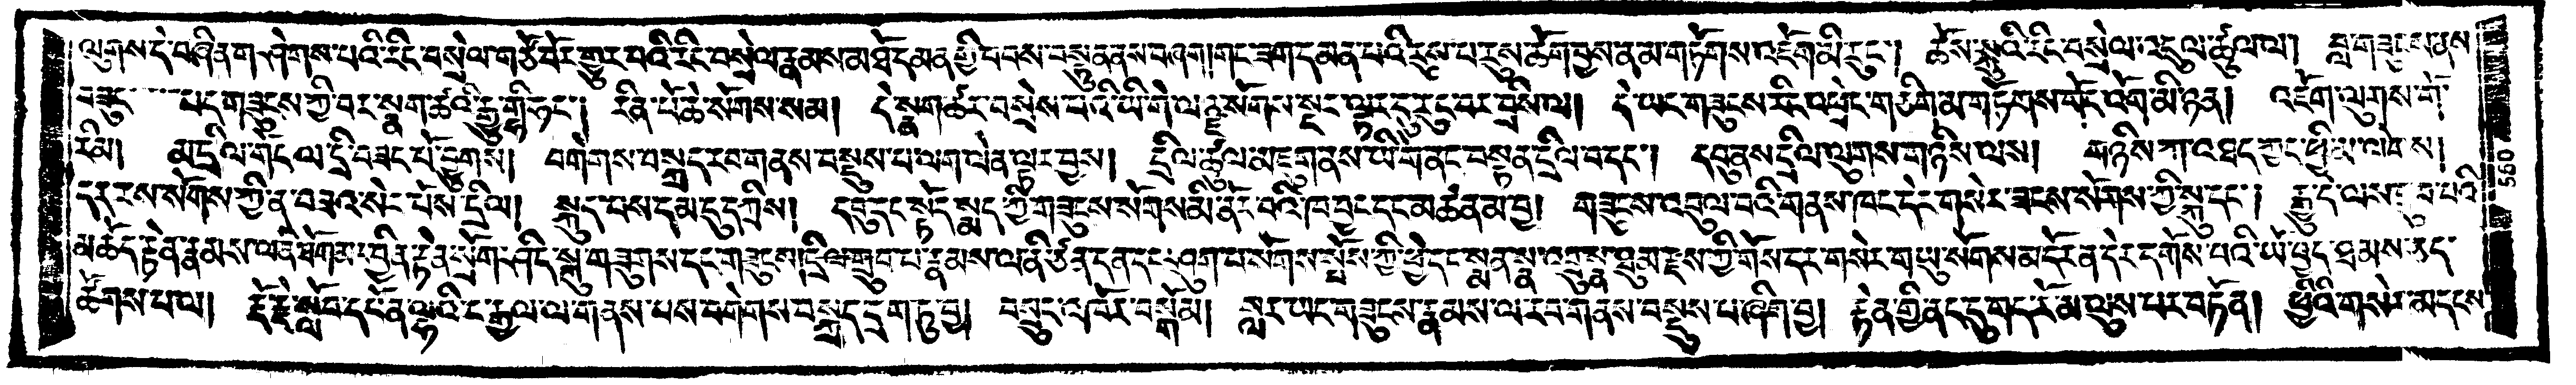ལུགས་དེ་བཞིན་གཤེགས་པའི་རིང་བསྲེལ་གཙོ་བོར་གྱུར་པའི་རིང་བསྲེལ་རྣམས་མཐོ་དམན་གྱི་བབས་བསྟུན་ནས་བཞག །གང་ཟག་དམན་པའི་རུས་པ་རུས་ཆོག་བྱས་ན་མ་གཏོགས་འཇོག་མི་རུང་། ཆོས་སྐུའི་རིང་བྲེལ་འདུལ་ཚུལ་ལ། ཟླ་གཟུངས་ནས་
བཟུང་པད་གཟུངས་ཀྱི་བར་སྣག་ཚའི་རྒྱུ་གྷི་ཧང་། རིན་པོ་ཆེ་སོགས་སམ། དེ་སྣག་ཚར་བསྲེས་པའི་ཡི་གེ་ལཉྫ་སོགས་སྔར་ལྟར་དུ་རུང་བར་བྲིས་ལ། དེ་ཡང་གཟུངས་རིང་འཕྲེང་གཅིག་མ་གཏོགས་གོང་འོག་མི་ཉན། འཇོག་ལུགས་གོ་
རིམ། མ་དྲིལ་གང་ལ་དྲི་བཟང་པོ་བྱུགས། བགེགས་བསྐྲད་རབ་གནས་བསྡུས་པ་ལག་ལེན་ལྟར་བྱས། དྲིལ་ཚུལ་མཇུག་ནས་ཡི་གེ་ནང་བསྟན་དྲིལ་བ་དང་། དབུ་ནས་དྲིལ་ལུགས་གཉིས་ལས། གཉིས་ཀ་འཐད་ཀྱང་ཕྱི་མ་ལེབས།
དར་རས་སོགས་ཀྱི་ན་བཟའ་སེང་པོས་དྲིལ། སྐུད་བས་དམ་དུ་དཀྲིས། དབུ་དང་སྟོད་སྨད་ཀྱི་གཟུངས་སོགས་མི་ནོར་བའི་ཁ་བྱང་དང་མཚན་མ་བྱ། གཟུངས་འབུལ་བའི་གནས་ཁང་དེར་གསེར་ཟངས་སོགས་ཀྱི་སྐུ་དང་། རྒྱུ་དེ་ལས་དྲུབ?་པའི་
མཆོད་རྟེན་རྣམས་ལ་ནི་ཐོག་མར་བྱིན་རྟེན་སྲོག་ཤིད་སྐུ་གཟུགས་དང་གཟུངས། དྲིལ་གྲུབ་པ་རྣམས་ལ་ནི་ཙན་དན་དང་ཤུག་པ་སོགས་སྤོས་ཀྱི་ཕྱེ་དང་སྨན་སྣ་འབྲུ་སྣ་ཐུམ་རྫས་ཀྱི་གོས་དང་གསེར་གཡུ་སོགས་མདོར་ན་དེར་དགོས་པའི་ཡོ་བྱད་ཐམས་ཅད་
ཚོགས་པ་ལ། རྡོ་རྗེ་སློབ་དཔོན་ལྷའི་ང་རྒྱལ་ལ་གནས་པས་བགེགས་བསྐྲད་དྲག་ཏུ་བྱ། བསྲུང་འཁོར་བསྒོམ། སླར་ཡང་གཟུངས་རྣམས་ལ་རབ་གནས་བསྡུས་པ་ཞིག་བྱ། རྟེན་གྱི་ནང་དུ་གད་རོ་མ་ལུས་པར་བཏོན། ཕྱིའི་གསེར་མདངས་